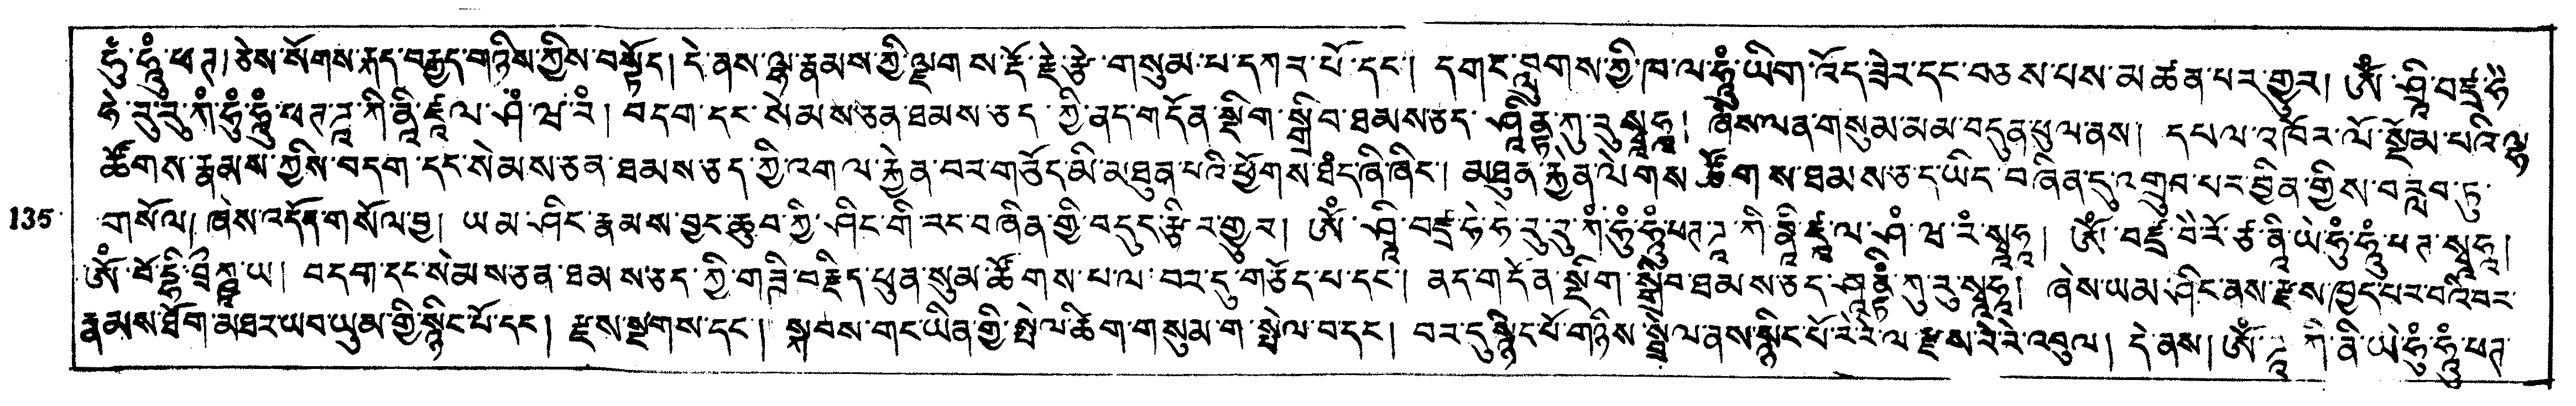ཧུཾ་ཧཱུཾ་ཕཊ། ཅེས་སོགས་རྐད་བརྒྱད་གཉིས་ཀྱིས་བསྟོད། དེ་ནས་ལྷ་རྣམས་ཀྱི་ལྗགས་རྡོ་རྗེ་རྩེ་གསུམ་པ་དཀར་པོ་དང་། དགང་བླུགས་ཀྱི་ཁ་ལ་ཧཱུཾ་ཡིག་འོད་ཟེར་དང་བཅས་པས་མཚན་པར་གྱུར། ཨོཾ་ཤྲཱི་བཛྲ་ཧཻ་
ཧེ་རུ་རུ་ཀཾ་ཧུཾ་ཧཱུཾ་ཕཊ་ཌཱ་ཀི་ནཱི་ཛཱལ་ཤཾ་ཝ་རཾ། བདག་དང་སེམས་ཅན་ཐམས་ཅད་ཀྱི་ནད་གདོན་སྡིག་སྒྲིབ་ཐམས་ཅད་ཤཱིནྟ་ཀུ་རུ་སྭཱཧཱ། ཞེས་ལན་གསུམ་མམ་བདུན་ཕུལ་ནས། དཔལ་འཁོར་ལོ་སྡོམ་པའི་ལྷ་
ཚོགས་རྣམས་ཀྱིས་བདག་དང་སེམས་ཅན་ཐམས་ཅད་ཀྱི་འགལ་རྐྱེན་བར་གཅོད་མི་མཐུན་པའི་ཕྱོགས་ཐཾས་ཅད་ཞི་ཞིང་། མཐུན་རྐྱེན་ལེགས་ཚོགས་ཐམས་ཅད་ཡིད་བཞིན་དུ་འགྲུབ་པར་བྱིན་གྱིས་བརླབ་ཏུ་
གསོལ། ཞེས་འདོན་གསོལ་བྱ། ཡམ་ཤིང་རྣམས་བྱང་ཆུབ་ཀྱི་ཤིང་གི་རང་བཞིན་གྱི་བདུད་རྩིར་གྱུར། ཨོཾ་ཤྲཱི་བཛྲ་ཧེ་ཧེ་རུ་རུ་ཀཾ་ཧུཾ་ཧཱུཾ་ཕཊ་ཌཱ་ཀི་ནཱི་ཛཱ་?་ལ་ཤཾ་ཝ་རཾ་སྭཱཧཱ། ཨོཾ་བཛྲ་བཻ་རོ་ཙ་ནཱི་ཡེ་ཧུཾ་ཧཱུཾ་ཕཊ་སྭཱཧཱ།
ཨོཾ་བོ་དྷི་བྲྀཀྵཱ་ཡ། བདག་དང་སེམས་ཅན་ཐམས་ཅད་ཀྱི་གཟི་བརྗིད་ཕུན་སུམ་ཚོགས་པ་ལ་བར་དུ་གཅོད་པ་དང་། ནད་གདོན་སྡིག་སྒྲིབ་ཐམས་ཅད་ཤཱནྟཾ་ཀུ་རུ་སྭཱཧཱ། ཞེས་ཡམ་ཤིང་ནས་རྫས་ཁྱད་པར་བའི་བར་
རྣམས་ཐོག་མཐར་ཡབ་ཡུམ་གྱི་སྙིང་པོ་དང་། རྫས་སྔགས་དང་། སྐབས་གང་ཡིན་གྱི་སྤེལ་ཚིག་གསུམ་ག་སྤེལ་བ་དང་། བར་དུ་སྙིང་པོ་གཉིས་སྤྲེལ་ནས་སྙིང་པོ་རེ་རེ་ལ་རྫས་རེ་རེ་འབུལ། དེ་ནས། ཨོཾ་ཌཱ་ཀི་ནི་ཡེ་ཧུཾ་ཧཱུཾ་ཕཊ་